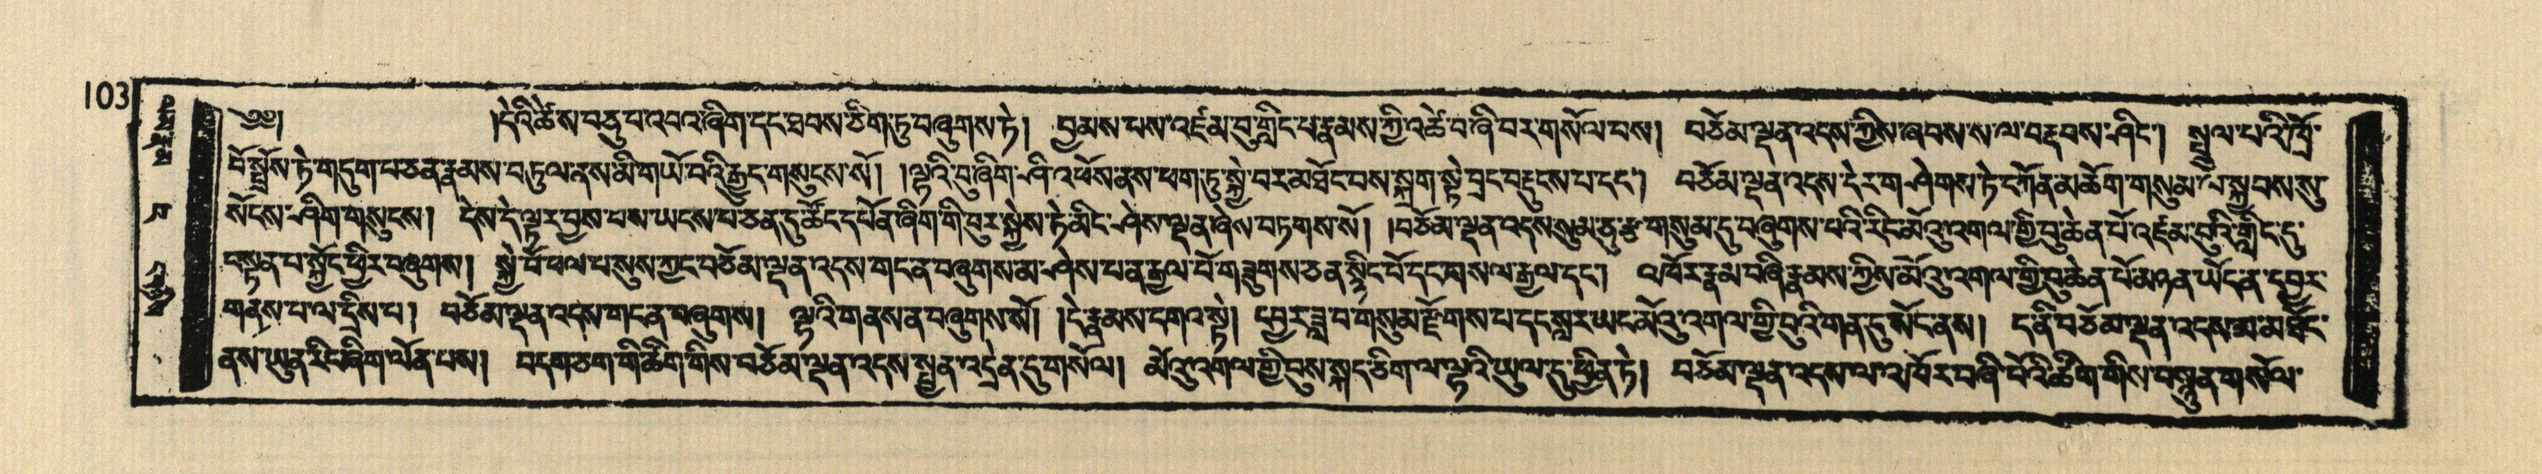༄༅། །དེའི་ཚེ་ས་བཅུ་པ་འབའ་ཞིག་དང་ཐབས་ཅིག་ཏུ་བཞུགས་ཏེ། བྱམས་པས་འཛམ་བུ་གླིང་པ་རྣམས་ཀྱི་འཚེ་བ་ཞི་བར་གསོལ་བས། བཅོམ་ལྡན་འདས་ཀྱིས་ཞབས་ས་ལ་བརྡབས་ཤིང་། སྤྲུལ་པའི་ཁྲོ་
བོ་སྤྲོས་ཏེ་གདུག་པ་ཅན་རྣམས་བཏུལ་ནས་མི་གཡོ་བའི་རྒྱུད་གསུངས་སོ། །ལྷའི་བུ་ཞིག་ཤི་འཕོས་ནས་ཕག་ཏུ་སྐྱེ་བར་མཐོང་བས་སྐྲག་སྟེ་བྲང་བརྡུངས་པ་དང་། བཅོམ་ལྡན་འདས་ངེར་གཤེགས་ཏེ་དཀོན་མཆོག་གསུམ་ལ་སྐྱབས་སུ་
སོངས་ཤིག་གསུངས། དེས་དེ་ལྟར་བྱས་པས་ཡངས་པ་ཅན་དུ་ཚོང་དཔོན་ཞིག་གི་བུར་སྐྱེས་ཏེ་མིང་ཤེས་ལྡན་ཞེས་བཏགས་སོ། །བཅོམ་ལྡན་འདས་སུམ་ཅུ་རྩ་གསུམ་དུ་བཞུགས་པའི་རིང་མོའུ་འགལ་གྱི་བུ་ཆེན་པོའི་འཛམ་བུའི་གླིང་དུ་
བསྟན་པ་སྐྱོང་ཕྱིར་བཞུགས། སྐྱེ་པོ་ཕལ་པ་སུས་ཀྱང་བཅོམ་ལྡན་འདས་གང་ན་བཞུགས་མ་ཤེས་པ་ན་རྒྱལ་པོ་གཟུགས་ཅན་སྙིང་པོ་དང་གསལ་རྒྱལ་དང་། འཁོར་རྣམས་བཞི་རྣམས་ཀྱིས་མོའུ་འགལ་གྱི་བུ་ཆེན་པོ་མཉན་ཡོད་ན་དབྱར་
གནས་པ་ལ་དྲིས་པ། བཅོམ་ལྡན་འདས་གདན་བཞུགས། ལྷའི་གནས་ན་བཞུགས་སོ། །དེ་རྣམས་དགའ་སྟེ། དབྱར་ཟླ་བ་གསུམ་རྫོགས་པ་དང་སླར་ཡང་མོའུ་འགལ་གྱི་བུའི་གན་དུ་སོང་ནས། ད་ནི་བཅོམ་ལྡན་འདས་མ་མཐོང་
ནས་ཡུན་རིང་ཞིག་ལོན་པས། བདག་ཅག་གི་ཚིག་གིས་བཅོམ་ལྡན་འདས་སྤྱན་འདྲེན་དུ་གསོལ། མོའུ་འགལ་གྱི་བུས་སྐད་ཅིག་ལ་ལྷའི་ཡུལ་དུ་ཕྱིན་ཏེ། བཅོམ་ལྡན་འདས་ལ་འཁོར་བཞི་པོའི་ཚིག་གིས་བསྙུན་གསོལ་